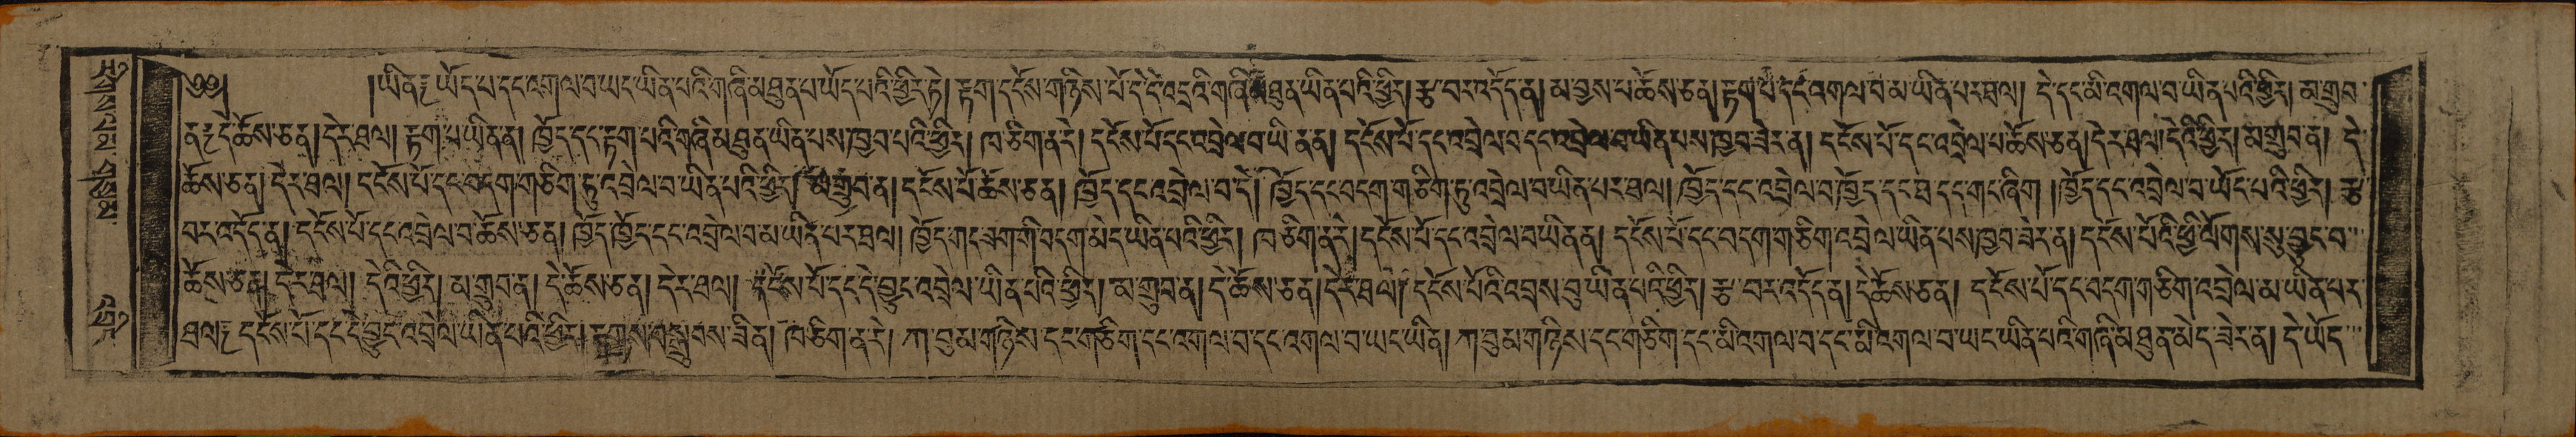༄༅། །ཡིན༑ ཡོད་པ་དང་འགལ་བ་ཡང་ཡིན་པའི་གཞི་མཐུན་པ་ཡོད་པའི་ཕྱིར་ཏེ། རྟག་དངོས་གཉིས་པོ་དེ་དེ་འདྲའི་གཞི་མཐུན་ཡིན་པའི་ཕྱིར། རྩ་བར་འདོད་ན། མ་བྱས་པ་ཆོས་ཅན། རྟག་པ་དང་འགལ་བ་མ་ཡིན་པར་ཐལ། དེ་དང་མི་འགལ་བ་ཡིན་པའི་ཕྱིར། མ་གྲུབ་
ན༑ དེ་ཆོས་ཅན། དེར་ཐལ། རྟག་པ་ཡིན་ན། ཁྱོད་དང་རྟག་པའི་གཞི་མཐུན་ཡིན་པས་ཁྱབ་པའི་ཕྱིར། ཁ་ཅིག་ན་རེ། དངོས་པོ་དང་འབྲེལ་བ་ཡིན་ན། དངོས་པོ་དང་འབྲེལ་བ་དང་འབྲེལ་བ་ཡིན་པས་ཁྱབ་ཟེར་ན། དངོས་པོ་དང་འབྲེལ་པ་ཆོས་ཅན། དེར་ཐལ། དེའི་ཕྱིར། མ་གྲུབ་ན། དེ་
ཆོས་ཅན། དེར་ཐལ། དངོས་པོ་དང་བདག་གཅིག་ཏུ་འབྲེལ་བ་ཡིན་པའི་ཕྱིར། མ་གྲུབ་ན། དངོས་པོ་ཆོས་ཅན། ཁྱོད་དང་འབྲེལ་བ་དེ། ཁྱོད་དང་བདག་གཅིག་ཏུ་འབྲེལ་བ་ཡིན་པར་ཐལ། ཁྱོད་དང་འབྲེལ་བ་ཁྱོད་དང་ཐ་དད་གང་ཞིག །ཁྱོད་དང་འབྲེལ་བ་ཡོད་པའི་ཕྱིར། རྩ་
བར་འདོད་ན། དངོས་པོ་དང་འབྲེལ་བ་ཆོས་ཅན། ཁྱོད་ཁྱོད་དང་འབྲེལ་བ་མ་ཡིན་པར་ཐལ། ཁྱོད་གང་ཟག་གི་བདག་མེད་ཡིན་པའི་ཕྱིར། ཁ་ཅིག་ན་རེ། དངོས་པོ་དང་འབྲེལ་བ་ཡིན་ན། དངོས་པོ་དང་བདག་གཅིག་འབྲེལ་ཡིན་པས་ཁྱབ་ཟེར་ན། དངོས་པོའི་ཕྱི་ལོགས་སུ་བྱུང་བ་
ཆོས་ཅན། དེར་ཐལ། དེའི་ཕྱིར། མ་གྲུབ་ན། དེ་ཆོས་ཅན། དེར་ཐལ། དངོས་པོ་དང་དེ་བྱུང་འབྲེལ་ཡིན་པའི་ཕྱིར། མ་གྲུབ་ན། དེ་ཆོས་ཅན། དེར་ཐལ། དངོས་པོའི་འབྲས་བུ་ཡིན་པའི་ཕྱིར། རྩ་བར་འདོད་ན། དེ་ཆོས་ཅན། དངོས་པོ་དང་བདག་གཅིག་འབྲེལ་མ་ཡིན་པར་
ཐལ༑ དངོས་པོ་དང་དེ་བྱུང་འབྲེལ་ཡིན་པའི་ཕྱིར། རྟགས་བསྒྲུབས་ཟིན། ཁ་ཅིག་ན་རེ། ཀ་བུམ་གཉིས་དང་གཅིག་དང་འགལ་བ་དང་འགལ་བ་ཡང་ཡིན། ཀ་བུམ་གཉིས་དང་གཅིག་དང་མི་འགལ་བ་དང་མི་འགལ་བ་ཡང་ཡིན་པའི་གཞི་མཐུན་མེད་ཟེར་ན། དེ་ཡོད་